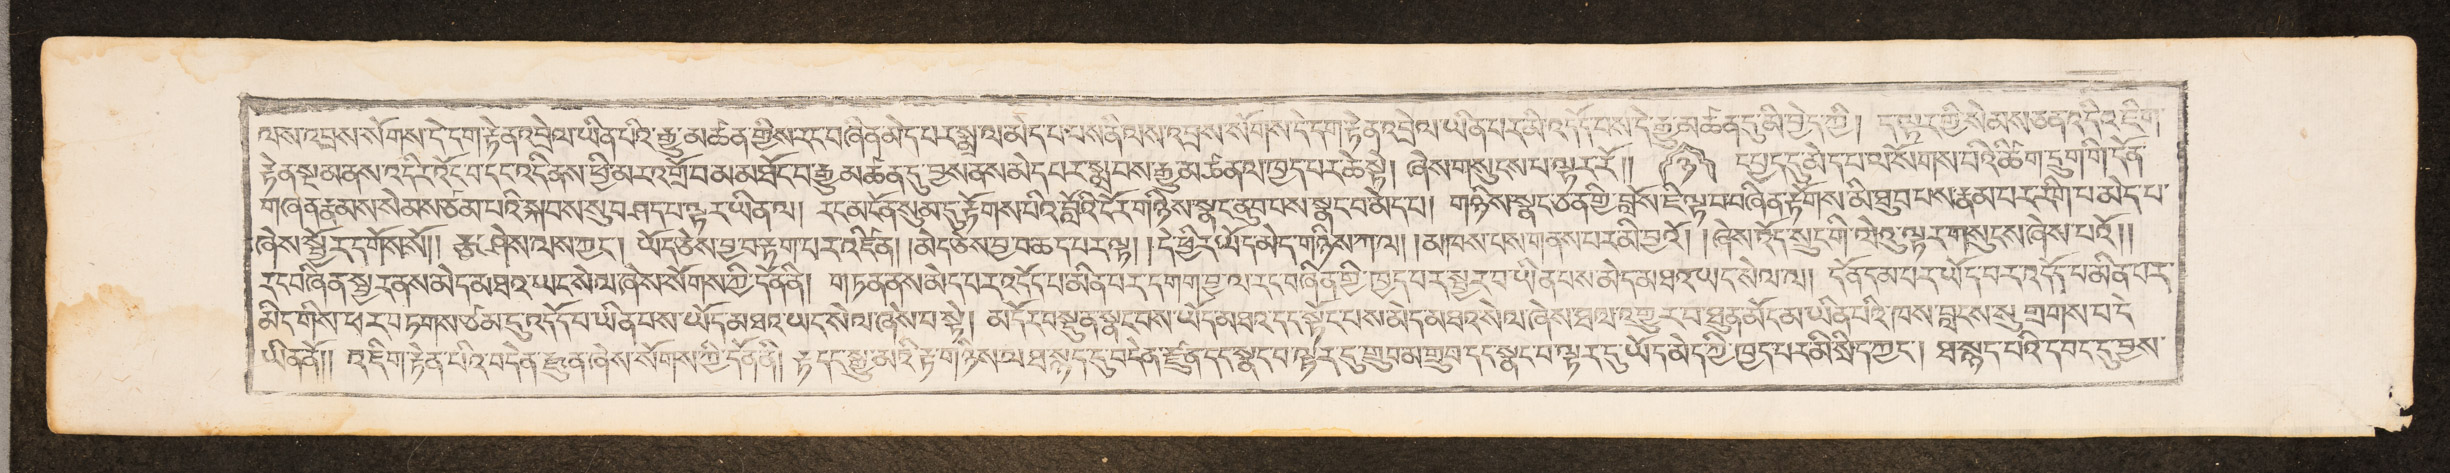།ལས་འབྲས་སོགས་དེ་དག་རྟེན་འབྲེལ་ཡིན་པའི་རྒྱུ་མཚན་གྱིས་རང་བཞིན་མེད་པར་སྨྲ་ལ་མེད་པ་པས་ནི་ལས་འབྲས་སོགས་དེ་དག་རྟེན་འབྲེལ་ཡིན་པར་མི་འདོད་པས་དེ་རྒྱུ་མཚན་དུ་མི་བྱེད་ཀྱི། ད་ལྟར་གྱི་སེམས་ཅན་འདི་འཇིག་
རྟེན་སྔ་མ་ནས་འདིར་འོང་བ་དང་འདི་ནས་ཕྱི་མར་འགྲོ་བ་མ་མཐོང་བ་རྒྱུ་མཚན་དུ་བྱས་ནས་མེད་པར་སྨྲ་བས་རྒྱུ་མཚན་ལ་ཁྱད་པར་ཆེ་སྟེ། ཞེས་གསུངས་པ་ལྟར་རོ། །༼༽ཉ༼༽ དཔྱད་དུ་མེད་པ་ལ་སོགས་པའི་ཚིག་དྲུག་གི་དོན་
གཞན་རྣམས་སེམས་ཙམ་པའི་སྐབས་སུ་བཤད་པ་ལྟར་ཡིན་ལ། རང་མངོན་སུམ་དུ་རྟོགས་བའི་བློའི་དོར་གཉིས་སྣང་ནུབ་པས་སྣང་བ་མེད་པ། གཉིས་སྣང་ཅན་གྱི་བློས་ཇི་ལྟ་བ་བཞིན་རྟོགས་མི་ཐུབ་པས་རྣམ་པར་རིག་པ་མེད་པ་
ཞེས་སྦྱོར་དགོས་སོ། །ཙ་ཤེ་ལས་ཀྱང་། ཡོད་ཅེས་བྱ་བ་རྟག་པར་འཛིན། །མེད་ཅེ་བྱ་བ་ཆད་པར་ལྟ། །དེ་ཕྱིར་ཡོད་མེད་གཉིས་ཀ་ལ། །མཁས་པས་གནས་པར་མི་བྱའོ། །ཞེས་འོད་སྲུང་གི་ལེའུ་ལྟར་གསུངས་ཞེས་པའོ།།
རང་བཞིན་སྦྱར་ནས་མེད་མཐའ་ཡང་སེལ་ཞེས་སོགས་ཀྱི་དོན་ནོ། གན་ནས་མེད་པར་འདོད་པ་མིན་པར་དགག་བྱས་ལ་རང་ཞིན་གྱི་ཁྱད་པར་སྦྱར་བ་ཡིན་པས་མེད་མཐའ་ཡང་སེལ་ལ། དོན་མདམ་པར་ཡོད་པར་འདོད་པ་མིན་པར་
མིང་གིས་ཕར་བཏགས་ཙམ་དུ་འདོད་པ་ཡིན་པས་ཡོད་མཐའ་ཡང་སེལ་ཞེས་པ་སྟེ། མདོར་བསྡུ་ན་སྣང་བས་ཡོད་མཐའ་དང་སྟོང་པས་མེད་མཐའ་སེལ་ཞེས་ཐལ་འགྱུར་བ་ཐུན་མོང་མ་ཡིན་པའི་ཁས་བླངས་སུ་གྲགས་པ་དེ་
ཡིན་ནོ། །འཇིག་རྟེན་པའི་བདེན་རྫུན་ཞེས་སོགས་ཀྱི་དོན་ནི། རྟ་དང་སྒྱུ་མའི་རྟ་གཉིས་ལ་ཐ་སྙད་དུ་བདེན་རྫུན་དང་སྣང་བ་ལྟར་དུ་གྲུབ་མ་གྲུབ་དང་སྣང་བ་ལྟར་དུ་ཡོད་མེད་ཀྱི་ཁྱད་པར་མི་སྲིད་ཀྱང་། ཐ་སྙད་པའི་དབང་དུ་བྱས་